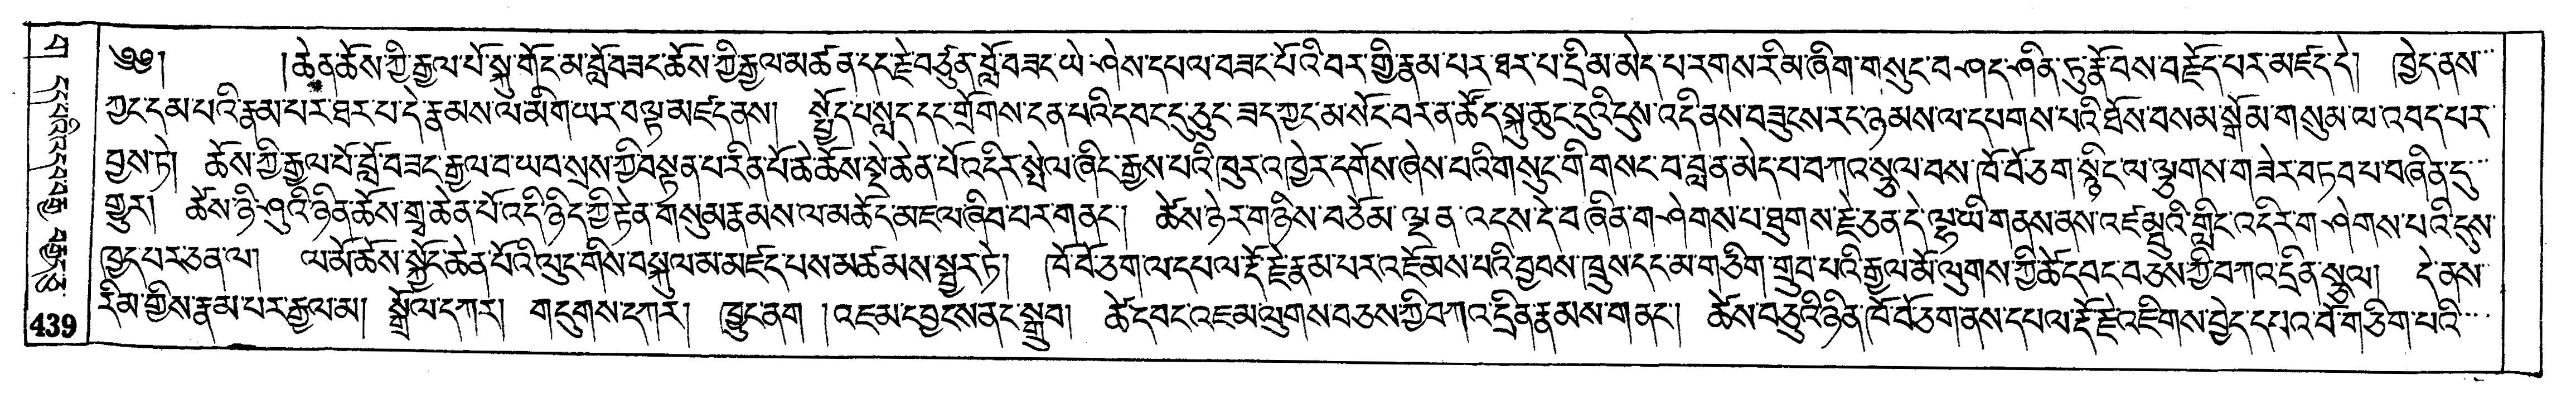༄༅། །ཆེན་ཆོས་ཀྱི་རྒྱལ་པོ་སྐུ་གོང་མ་བློ་བཟང་ཆོས་ཀྱི་རྒྱལ་མཚན་དང་རྗེ་བཙུན་བློ་བཟང་ཡེ་ཤེས་དཔལ་བཟང་བོའི་བར་གྱི་རྣམ་པར་ཐར་པ་དྲི་མ་མེད་པ་རགས་རིམ་ཞིག་གསུང་བཤད་ཤིན་ཏུ་རྣོ་བས་བརྗོད་པར་མཛད་དེ། ཁྱེད་ནས་
ཀྱང་དམ་པའི་རྣམ་པར་ཐར་པ་དེ་རྣམས་ལ་མིག་ཡར་བལྟ་མཛད་ནས། སྤྱོད་བསླད་དང་གྲོགས་དན་པའི་དབང་དུ་ཅུང་ཟད་ཀྱང་མ་སོང་བར་ན་ཚོད་སྐུ་ཆུང་དུའི་དུས་འདི་ནས་བཟུངས་རང་ཉམས་ལ་དཔགས་བའི་ཐོས་བསམ་སྒོམ་གསུམ་ལ་འབད་པར་
བྱས་ཏེ། ཆོས་ཀྱི་རྒྱལ་པོ་བློ་བཟང་རྒྱལ་བ་ཡབ་སྲས་ཀྱི་བསྟན་པ་རིན་པོ་ཆེ་ཆོས་སྡེ་ཆེན་པོ་འདིར་སྤེལ་ཞིང་རྒྱས་པའི་ཁུར་འཁྱེར་དགོས་ཞེས་པའི་གསུང་གི་གསང་བ་བླ་ན་མེད་པ་བཀའ་སྩལ་བས་ཁོ་བོ་ཅག་སྙིང་ལ་ལྕགས་གཟེར་བཏབ་བ་བཞིན་དུ་
གྱུར། ཚེས་ཉི་ཤུའི་ཉིན་ཆོས་གྲྭ་ཆེན་པོ་འདི་ཉིད་ཀྱི་རྟེན་གསུམ་རྣམས་ལ་མཆོད་མཇལ་ཞིབ་པར་གནང་། ཚེས་ཉེར་གཉིས་བཅོམ་ལྡན་འདས་དེ་བཞིན་གཤེགས་པ་ཐུགས་རྗེ་ཅན་དེ་ལྷ་ཡི་གནས་ནས་འཛམྦུའི་གླིང་འདིར་གཤེགས་པའི་དུས་
ཁྱད་པར་ཅན་ལ། ལ་མོ་ཆོས་སྐྱོང་ཆེན་པོའི་ལུང་གིས་བསྐུལ་མ་མཛད་པས་མཚམས་སྦྱར་ཏེ། ཁོ་བོ་ཅག་ལ་དཔལ་རྡོ་རྗེ་རྣམ་པར་འཇོམས་པའི་བྱབས་ཁྲུས་དང་མ་གཅིག་གྲུབ་པའི་རྒྱལ་མོ་ལུགས་ཀྱི་ཚེ་དབང་བཅས་ཀྱི་བཀའ་དྲིན་སྩལ། དེ་ནས་
རིམ་གྱིས་རྣམ་པར་རྒྱལ་མ། སྒྲོལ་དཀར། གདུགས་དཀར། ཁྱུང་ནག །འཇམ་དབྱངས་ནང་སྒྲུབ། ཚེ་དབང་འཇམ་ལུགས་བཅས་ཀྱི་བཀའ་དྲིན་རྣམས་གནང་། ཚེས་བཅུའི་ཉིན་ཁོ་བོ་ཅག་ནས་དཔལ་རྡོ་རྗེ་འཇིགས་བྱེད་དཔའ་བོ་གཅིག་པའི་